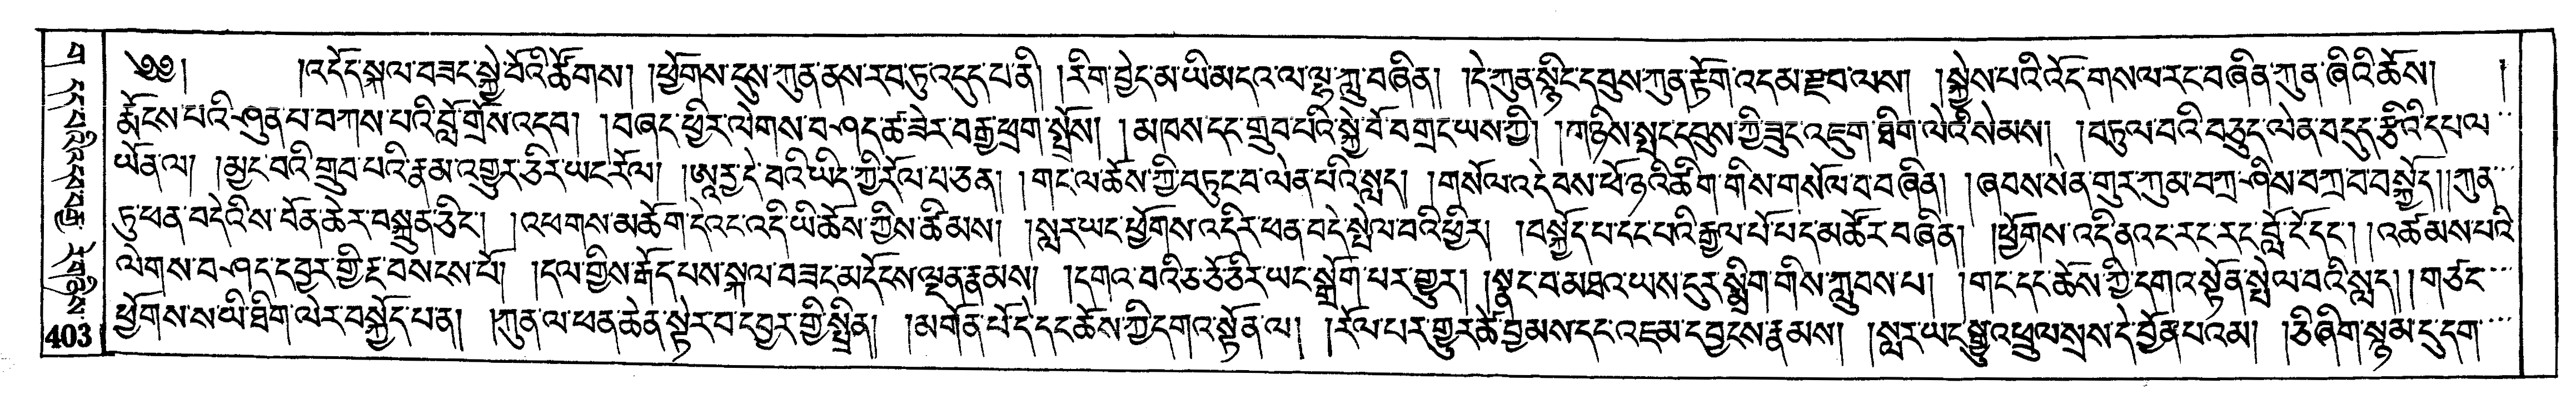༄༅། །འདོད་སྐལ་བཟང་སྐྱེ་བོའི་ཚོགས། །ཕྱོགས་དུས་ཀུན་ནས་རབ་ཏུ་འདུད་པ་ནི། །རིག་བྱེད་མ་ཡི་མདའ་ལ་ལྷ་ཀླུ་བཞིན། །དེ་ཀུན་སྙིང་དབུས་ཀུན་རྟོག་འདམ་རྫབ་ལས། །སྐྱེས་པའི་འོད་གསལ་རང་བཞིན་ཀུན་ཞིའི་ཆོས། །
རྨོངས་པའི་ཤུན་པ་བཀས་པའི་བློ་གྲོས་འདབ། །བཞད་ཕྱིར་ལེགས་བཤད་ཚ་ཟེར་བརྒྱ་ཕྲག་སྤྲོས། །མཁས་དང་གྲུབ་པའི་སྐྱེ་བོ་བགྲང་ཡས་ཀྱི། །གཉིས་སྤང་དབུས་ཀྱི་ཟུང་འཇུག་ཐིག་ལེའི་སེམས། །བཏུལ་བའི་བཅུད་ལེན་བདུད་རྩིའི་དཔལ་
ཡོན་ལ། །མྱང་པའི་གྲུབ་པའི་རྣམ་འགྱུར་ཅིར་ཡང་རོལ། །ཨཱརྱ་དེ་བའི་ཡིད་ཀྱི་རོལ་པ་ཅན། །གང་ལ་ཆོས་ཀྱི་བཏུང་བ་ལེན་པའི་སླད། །གསོལ་འདེབས་ཕོ་ཉའི་ཚིག་གིས་གསོལ་བ་བཞིན། །ཞབས་སེན་གུར་ཀུམ་བཀྲ་ཤིས་བཀྲ་བ་བསྐྱོད། །ཀུན་
ཏུ་ཕན་བདེའི་ས་བོན་ཆེར་བསྐྲུན་ཅིང་། །འཕགས་མཆོག་དེའང་འདི་ཡི་ཆོས་ཀྱིས་ཚིམས། །སླར་ཡང་ཕྱོགས་འདིར་ཕན་བདེ་སྤེལ་བའི་ཕྱིར། །བསྐྱོད་པ་ངང་པའི་རྒྱལ་པོ་པད་མཚོར་བཞིན། །ཕྱོགས་འདི་ནའང་རང་རང་བློ་ངོ་དང་། །འཚམས་པའི་
ལེགས་བཤད་དབྱར་གྱི་རྔ་བསངས་པོ། །དལ་གྱིས་རྒོད་པས་སྐལ་བཟང་མདོངས་ལྡན་རྣམས། །དགའ་བའི་ཅ་ཅོ་ཅིར་ཡང་སྒྲོག་པར་གྱུར། །སྣང་བ་མཐའ་ཡས་དུར་སྨྲིག་གིས་ཀླུབས་པ། །གང་དང་ཆོས་ཀྱི་དགའ་སྟོན་སྤེལ་བའི་སླད། །གཙང་
ཕྱོགས་ས་ཡི་ཐིག་ལེར་བསྐྱོད་པ་ན། །ཀུན་ལ་ཕན་ཆེན་སྟེར་བ་དབྱར་གྱི་སྤྲིན། །མགོན་པོ་དེ་དང་ཆོས་ཀྱི་དགའ་སྟོན་ལ། །རོལ་པར་གྱུར་ཚེ་བྱམས་དང་འཇམ་དབྱངས་རྣམས། །སླར་ཡང་སྒྱུ་འཕྲུལ་སྲས་དེ་བྱོན་པའམ། །ཅི་ཞིག་སྙམ་དུ་དག་